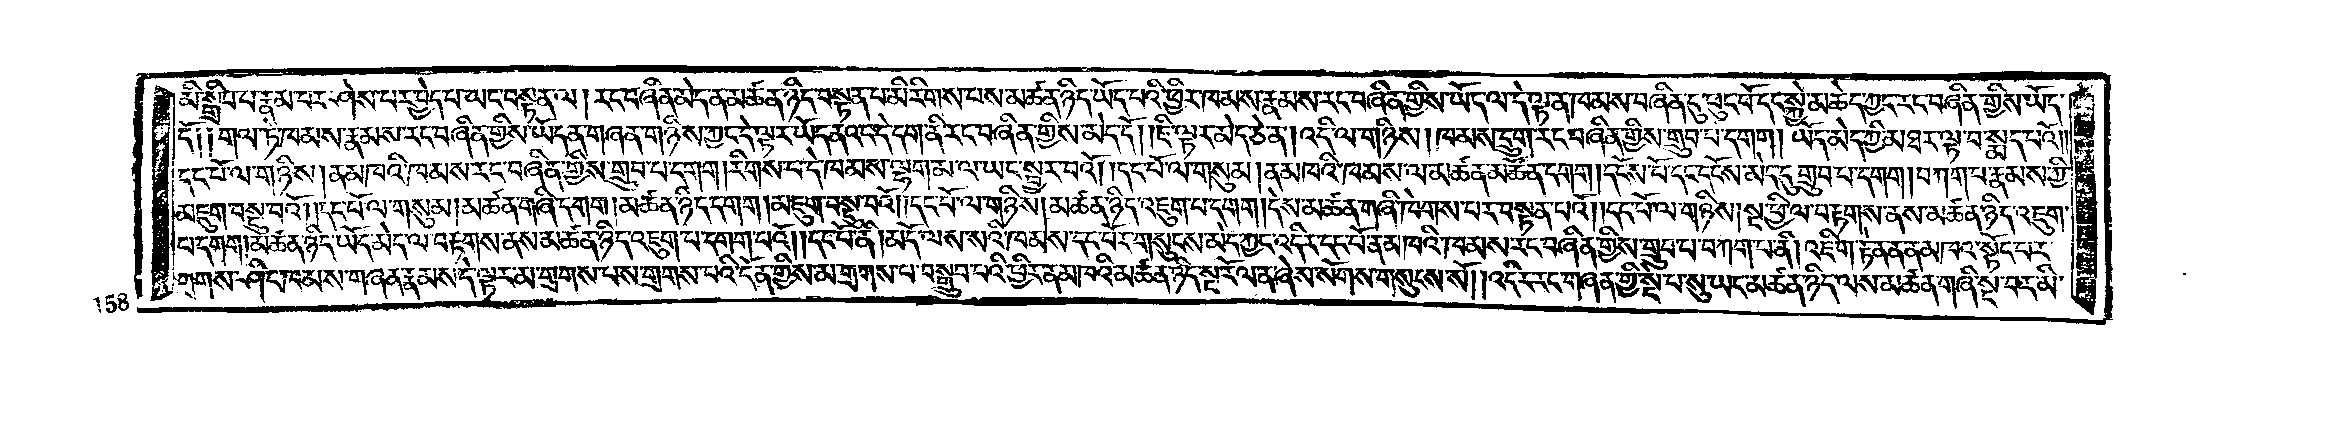མི་སྒྲིབ་པ་རྣམ་པར་ཤེས་པར་བྱེད་པ་ཡང་བསྟན་ལ། རང་བཞིན་མེད་ན་མཚན་ཉིད་བསྟན་པ་མི་རིགས་པས་མཚན་ཉིད་ཡོད་པའི་ཕྱིར་ཁམས་རྣམས་རང་བཞིན་གྱིས་ཡོད་ལ་དེ་ལྟ་ན་ཁམས་བཞིན་དུ་ཕུང་པོ་དང་སྐྱེ་མཆེད་ཀྱང་རང་བཞིན་གྱིས་ཡོད་
དོ། །གལ་ཏེ་ཁམས་རྣམས་རང་བཞིན་གྱིས་ཡོད་ན་གཞན་གཉིས་ཀྱང་དེ་ལྟར་ཡོད་ནའང་དེ་དག་ནི་རང་བཞིན་གྱིས་མེད་དོ། །ཇི་ལྟར་མེད་ཅེ་ན། འདི་ལ་གཉིས། ཁམས་དྲུག་རང་བཞིན་གྱིས་གྲུབ་པ་དགག །ཡོད་མེད་ཀྱི་མཐར་ལྟ་བ་སྨད་པའོ།།
དང་པོ་ལ་གཉིས། ནམཁའི་ཁམས་རང་བཞིན་གྱིས་གྲུབ་པ་དགག །རིགས་པ་དེ་ཁམས་ལྷག་མ་ལ་ཡང་སྦྱར་བའོ། །དང་པོ་ལ་གསུམ་།ནམཁའི་ཁམས་ལ་མཚན་མཚོན་དགག། དངོས་པོ་དང་དངོས་མེད་དུ་གྲུབ་པ་དགག། བཀག་པ་རྣམས་ཀྱི་
མཇུག་བསྡུ་བའོ། །དང་པོ་ལ་གསུམ་།མཆན་གཞི་དགག། མཚན་ཉིད་དགག། མཇུག་བསྡུ་བའོ། །དང་པོ་ལ་གཉིས། མཚན་ཉིད་འཇུག་པ་དགག། དེས་མཚན་གཞི་ཁེགས་པར་བསྟན་པའོ། །དང་པོ་ལ་གཉིས། སྔ་ཕྱི་ལ་བརྟགས་ནས་མཚན་ཉིད་འཇུག་
པ་དགག །མཚན་ཉིད་ཡོད་མེད་ལ་བརྟགས་ནས་མཚན་ཉིད་འཇུག་པ་དགག་པའོ། །དང་པོ་ནི། མདོ་ལས་སའི་ཁམས་དང་པོར་གསུངས་མེད་ཀྱང་འདིར་དང་པོ་ནམཁའི་ཁམས་རང་བཞིན་གྱིས་གྲུབ་པ་བཀག་པ་ནི། འཇིག་རྟེན་ན་ནམཁའ་སྟོང་པར་
གྲགས་ཤིང་ཁམས་གཞན་རྣམས་དེ་ལྟར་མ་གྲགས་པས་གྲགས་པའི་དོན་གྱིས་མ་གྲགས་པ་བསྒྲུབ་པའི་ཕྱིར་ནམཁའི་མཚན་ཉིད་སྔ་རོལ་ན་ཞེས་སོགས་གསུངས་སོ། །འདིར་རང་གཞན་གྱི་སྡེ་པ་སུ་ཡང་མཚན་ཉིད་ལས་མཚན་གཞི་སྔ་བར་མི་